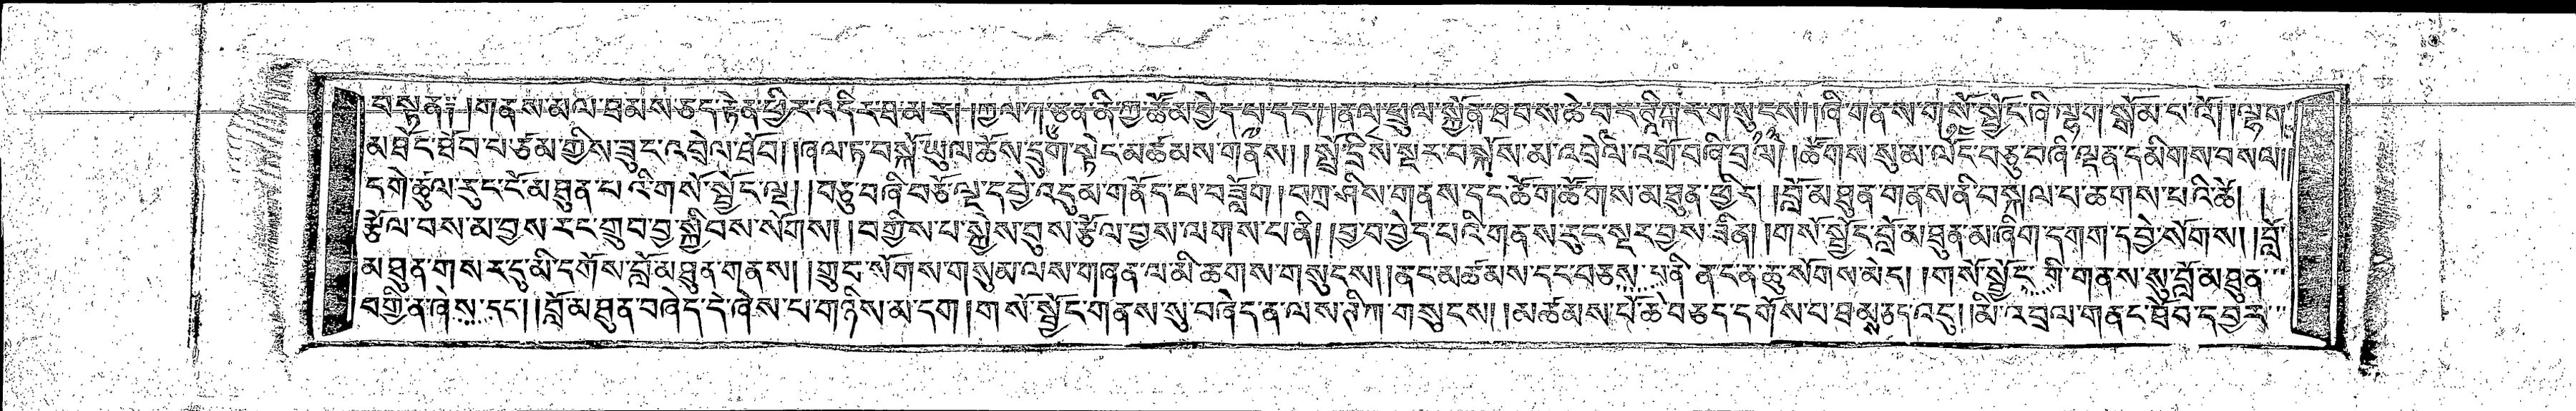བསྟན༑ །གནས་མལ་ཐམས་ཅད་རྟེན་ཕྱིར་འདིར་ཐ་མར། །ཀྱལ་ཀ་ཅན་ནི་ཀྱ་ཚོམ་བྱེད་པ་དང་། །ནལ་ཕྲུལ་སྐྱོན་ཐབས་ཆེ་བར་ཊཱིཀྐར་གསུངས། །ཞི་གནས་གསོ་སྦྱོང་ཞི་ལྷག་སྒོམ་པའོ། །ལྷག་
མཐོང་ཐོབ་པ་ཙམ་གྱིས་ཟུང་འབྲེལ་ཐོབ། །ཞལ་ཏ་བསྐོ་ཡུལ་ཆོས་དྲུག ༦་སྟེང་མཚམས་གནས ༧། །སྤྲོ་དྲིས ༨་སྔར་བསྐོས་མ་འབྲེལ ༩་འགྲོ་བཞི་བྲལ ༡༣་། །ཚོགས་སུ་མ་ལོང ༡༤་བཅུ་བཞི་ལྡན་དམིགས་བསལ། །
དགེ་ཚུལ་རུང་ངོ་མཐུན་པའི་གསོ་སྦྱོང་ལྔ། །བཅུ་བཞི་བཅོ་ལྔ་དབྱེ་འདུམ་གནོད་པ་བཟློག །བཀྲ་ཤིས་གནས་དང་ཆོ་ག་ཚོགས་མཐུན་ཕྱིར། །བློ་མཐུན་གནས་ནི་བསྐལ་པ་ཆགས་པའི་ཚེ། །
རྩོལ་བས་མ་བྱས་རང་གྲུབ་བྱ་སྐྱིབས་སོགས། །བགྱིས་པ་སྐྱེས་བུས་རྩོལ་བྱས་ལགས་པ་ནི། །བྱ་བ་བྱེད་པའི་གནས་རུང་སྔར་བྱས་ཟིན། །གསོ་སྦྱོང་བློ་མཐུན་མ་ཞིག་དགག་དབྱེ་སོགས། །བློ་
མཐུན་གསར་དུ་མི་དགོས་བློ་མཐུན་གནས། །གྲུབ་སོགས་གསུམ་ལས་གཞན་ལ་མི་ཆགས་གསུངས། །ནང་མཚམས་དང་བཅས་པ་ནི་ནང་ན་ཆུ་སོགས་མེད། །གསོ་སྦྱོང་གི་གནས་སུ་བློ་མཐུན་
བགྱི་ན་ཞེས་དང་། །བློ་མཐུན་བཞེད་དེ་ཞེས་པ་གཉིས་མ་དག །གསོ་སྦྱོང་གནས་སུ་བཞེད་ན་ལས་ཊི་ཀ་གསུངས། །མཚམས་པོ་ཆེ་བཅད་དགོས་པ་ཐམས་ཅད་འདུ། །མི་འབྲལ་གནང་ཐོབ་དབྱར་